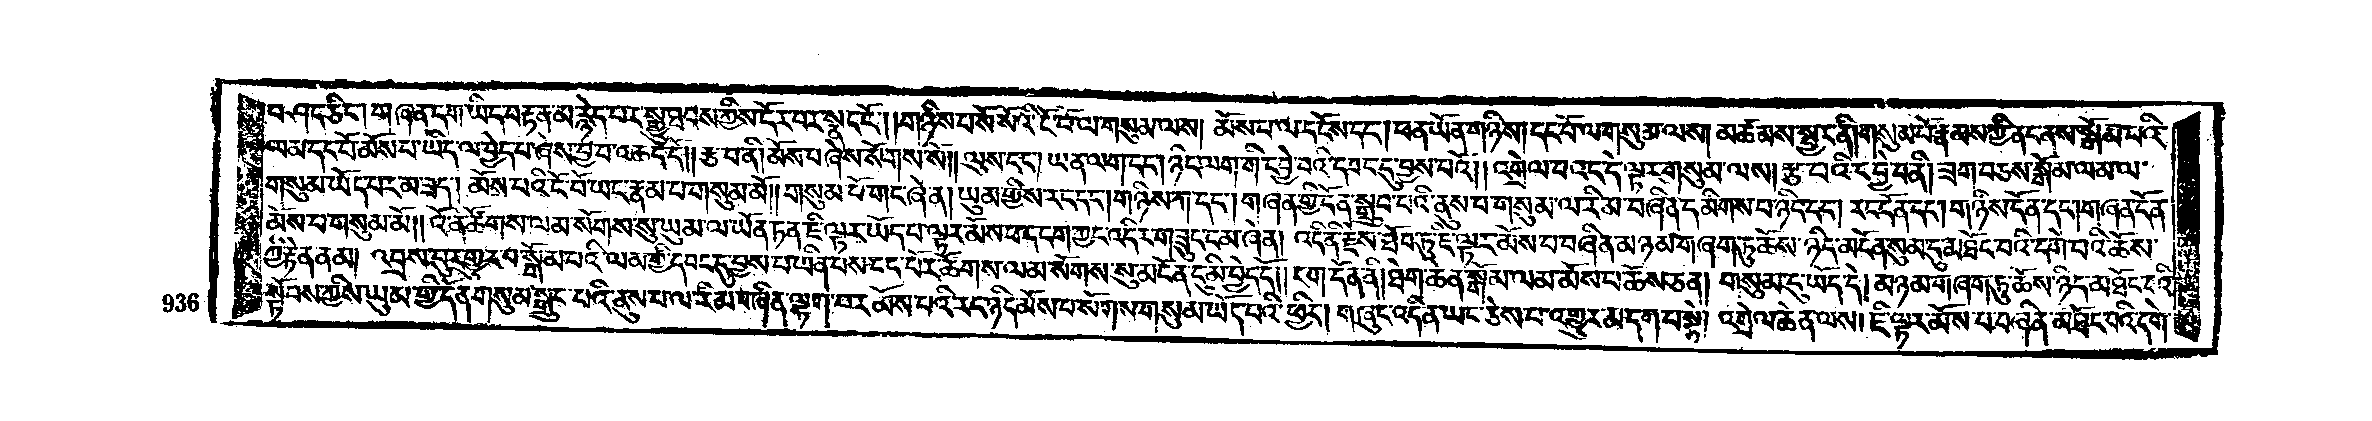བཤད་ཅིང་། གཞན་དག་ཡིད་བརྟན་མ་རྙེད་པར་སྒྱུ་ཐབས་ཀྱིས་དོར་བར་སྣང་ངོ། །གཉིས་པ་སོ་སོའི་ངོ་བོ་ལ་གསུམ་ལས། མོས་པ་ལ་དངོས་དང་། ཕན་ཡོན་གཉིས། དང་པོ་ལ་གསུམ་ལས། མཚམས་སྦྱར་ནི། གསུམ་པོ་རྣམས་ཀྱི་ནང་ནས་སྒོམ་པའི་
ལམ་དང་པོ་མོས་པ་ཡིད་ལ་བྱེད་པ་ཞེས་བྱ་བ་འཆད་དོ། །རྩ་བ་ནི། མོས་པ་ཞེས་སོགས་སོ། །ལུས་དང་། ཡན་ལག་དང་། ཉིང་ལག་གི་དབྱེ་བའི་དབང་དུ་བྱས་པའོ། །འགྲེལ་བའང་དེ་ལྟར་གསུམ་ལས། རྩ་བའི་དབྱེ་བ་ནི། ཟག་བཅས་སྒོམ་ལམ་ལ་
གསུམ་ཡོད་པར་མ་ཟད། མོས་པའི་ངོ་བོ་ཡང་རྣམ་པ་གསུམ་མོ། །གསུམ་པོ་གང་ཞེ་ན། ཡུམ་གྱིས་རང་དང་། གཉིས་ཀ་དང་། གཞན་གྱི་དོན་སྒྲུབ་པའི་ནུས་པ་གསུམ་ལ་རིམ་བཞིན་དམིགས་པ་ཉིད་དང་། རང་དོན་དང་། གཉིས་དོན་དང་། གཞན་དོན་
མོས་པ་གསུམ་མོ། །འོ་ན་ཚོགས་ལམ་སོགས་སུ་ཡུམ་ལ་ཡོན་ཏན་ཇི་ལྟར་ཡོད་པ་ལྟར་མོས་པ་དེ་དག་ཀྱང་འདིར་གཟུང་ངམ་ཞེ་ན། འདི་ནི་རྗེས་ཐོབ་ཏུ་ཇི་ལྟར་མོས་པ་བཞིན་མཉམ་གཞག་ཏུ་ཆོས་ཉིད་མངོན་སུམ་དུ་མཐོང་བའི་དགེ་བའི་ཆོས་
ཀྱི་རྟེན་ནམ། འབྲས་བུར་གྱུར་བ་སྒོམ་པའི་ལམ་གྱི་དབང་དུ་བྱས་པ་ཡིན་པས་དང་པོར་ཚོགས་ལམ་སོགས་སུ་མངོན་དུ་མི་བྱེད་དོ། །ངག་དོན་ནི། ཐེག་ཆེན་སྒོམ་ལམ་མོས་པ་ཆོས་ཅན། གསུམ་དུ་ཡོད་དེ། མཉམ་གཞག་ཏུ་ཆོས་ཉིད་མཐོང་བའི་
སྟོབས་ཀྱིས་ཡུམ་གྱི་དོན་གསུམ་སྒྲུབ་པའི་ནུས་པ་ལ་རིམ་བཞིན་ལྷག་པར་མོས་པའི་རང་ཉིད་མོས་པ་སོགས་གསུམ་ཡོད་པའི་ཕྱིར། གཞུང་འདི་ན་ཡང་ཅེས་པ་འགྱུར་མ་དག་པ་སྟེ། འགྲེལ་ཆེན་ལས། ཇི་ལྟར་མོས་པ་བཞིན་མཐོང་བའི་དགེ་